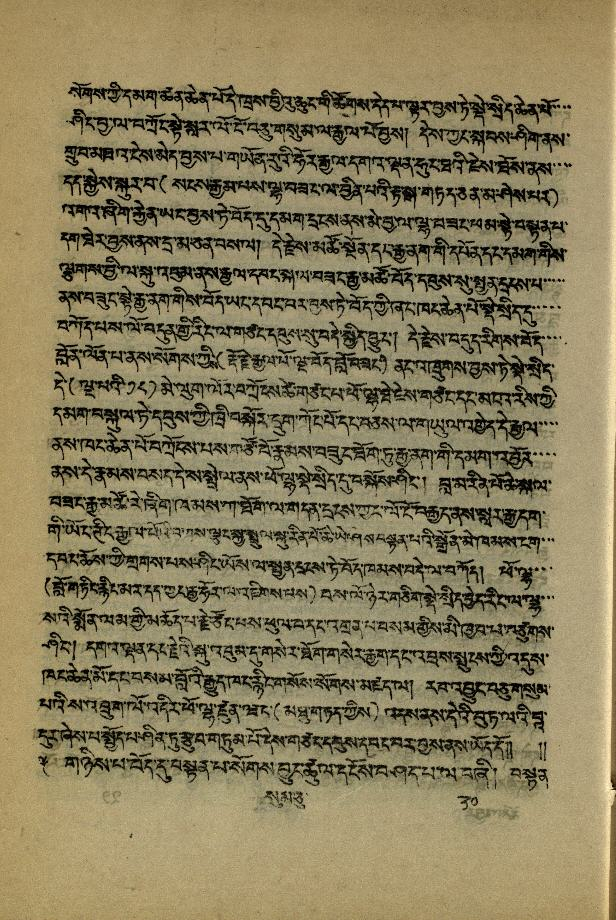སོགས་ཀྱི་དམག་ཚན་ཆེན་པོ་དེ་ཁྲས་བྱིའུ་ཆུང་གི་ཚོགས་དེད་པ་ལྟར་བྱས་ཏེ་སྡེ་སྲིད་ཆེན་པོ་
ཤིང་བྱ་ལ་བཀྲོང་སྟེ་སླར་ལོ་ངོ་བཅུ་གསུམ་ལ་རྒྱལ་པོ་བྱས། དེས་ཀྱང་སྐབས་ཤིག་ནས་
གྲུབ་མཐའ་ངེས་མེད་བྱས་པ་གཡོན་རུའི་ཧོར་རྒྱལ་དགའ་ལྡན་ཧུང་ཐའི་རྗེས་ཐོས་ནས་
དད་སྐྱེས་སྐུར་བ་སངས་རྒྱས་པས་ལྷ་བཟང་ལ་བྱིན་པའི་རྟ་སྒ་གཏད་ཅན་མ་ཤེས་པར
འགའ་ཞིག་རྐྱེན་ཡང་བྱས་ཏེ་བོད་དུ་དམག་དྲངས་ནས་མེ་བྱ་ལ་ལྷ་བཟང་ཕམ་སྟེ་བསྟན་པ་
དག་ཐེར་བྱས་ནས་དྲ་མ་ཅན་བསལ། དེ་རྗེས་མཚོ་སྔོན་དང་རྒྱ་ནག་གི་དཔོན་དང་དམག་གིས་
ལྕགས་བྱི་ལ་སྐུ་འབུམ་ནས་རྒྱལ་དབང་སྐལ་བཟང་རྒྱ་མཚོ་བོད་དབུས་སུ་སྤྱན་དྲངས་པ་
ནས་བཟུང་སྟེ་རྒྱ་ནག་གིས་བོད་ཡང་དབང་བར་བྱས་ཏེ་བོད་ཀྱི་ཞང་ཁང་ཆེན་པོ་སྡེ་སྲིད་དུ་
བཀོད་པས་ལོ་བདུན་གྱི་རིང་ལ་གཙང་དབུས་སུ་བདེ་སྐྱིད་བྱུང་། དེ་རྗེས་བདུད་རིགས་བོད་
བློན་ལོན་པ་ནས་སོགས་ཀྱིས་རྡོ་རྗེ་རྒྱལ་པོ་ལྔ་བོད་བློ་བཟང་ནང་འཁྲུགས་བྱས་ཏེ་སྡེ་སྲིད་
དེ་ལྔ་པའི ༡༨་མེ་ལུག་ལོར་བཀྲོངས་ཚེ་གཙང་པ་ཕོ་ལྷ་ཐེ་ཇེས་གཙང་དང་མངའ་རིས་ཀྱི་
དམག་བསྐུལ་ཏེ་དབུས་ཀྱི་ཁྲི་བསྐོར་དྲུག་ཀོང་པོ་དང་བཅས་ལ་གཡུལ་འགྱེད་དེ་རྒྱལ་
ནས་ཁང་ཆེན་པོ་བཀྲོངས་པས་གཙོ་བོ་རྣམས་བཟུང་ཐོག་ཏུ་རྒྱ་ནག་གི་དམག་འབྱོར་
ནས་དེ་རྣམས་བསད་དེ་ས་སྤྲེལ་ནས་ཕོ་ལྷ་སྡེ་སྲིད་དུ་བསྐོས་ཤིང་། བླ་མ་རིན་པོ་ཆེ་སྐལ་
བཟང་རྒྱ་མཚོ་རེ་ཞིག་ཁམས་ཀ་ཐོག་ལ་གདན་དྲངས་ཀྱང་ལོ་ངོ་བརྒྱད་ནས་སླར་རྒྱ་དག་
གི་ཡོང་ཊི་ང་རྒྱལ་པོའི་བགས?་ལྕང་སྐྱ་སྤྲུལ་སྐུ་རིན་པོ་ཆེ་ཡེ་ཤེས་བསྟན་པའི་སྒྲོན་མེ་ཁམས་ངག་
དབང་ཆོས་ཀྱི་གྲགས་པས་ཤིང་ཡོས་ལ་སྤྱན་དྲངས་ཏེ་བོད་ཁམས་བདེ་ལ་བཀོད། ཕོ་ལྷ་
བློ་གཏིང་རྙིང་མར་དད་ཀྱང་རྒྱ་ཧོར་ལ་འཇིགས་པས་བས་ལོ་ཉེར་གཅིག་སྡེ་སྲིད་བྱེད་རིང་ལ་ལྷ་
སའི་སྨོན་ལམ་གྱི་མཆོད་པ་རྗེ་ཙོང་པས་ཕུལ་བ་དང་འགྲན་པ་བསམ་གྱིས་མི་ཁྱབ་པ་བཙུགས་
ཤིང་། དགའ་ལྡན་དང་རྗེའི་སྐུ་འབུམ་དུ་གསེར་ཐོག་གསེར་རྒྱག་དང་འབྲས་སྤུངས་ཀྱི་འདུས་
ཁང་ཆེན་མོ་དང་བསམ་བློའི་རྒྱུད་ཁང་རྙིང་གསོས་སོགས་མཛད་ལ། རབ་འབྱུང་བཅུ་གསུམ་
པའི་ས་འབྲུག་ལོ་འདིར་ཕོ་ལྷ་ཛུན་ཝང་མཐུ་གཏད་ཀྱིས་འདས་ནས་དེའི་བུ་ཏ་ལའི་བཱ་
དུར་ཞེས་པ་སྤྱོད་པ་ཤིན་ཏུ་རྩུབ་གཏུམ་པོ་དེས་གཙང་དབུས་དབང་བར་བྱས་ནས་ཡོད་དོ།། །།
༈ གཉིས་པ་བོད་དུ་བསྟན་པ་སོགས་བྱུང་ཚུལ་དངོས་བཤད་པ་ལ་བཞི། བསྟན་